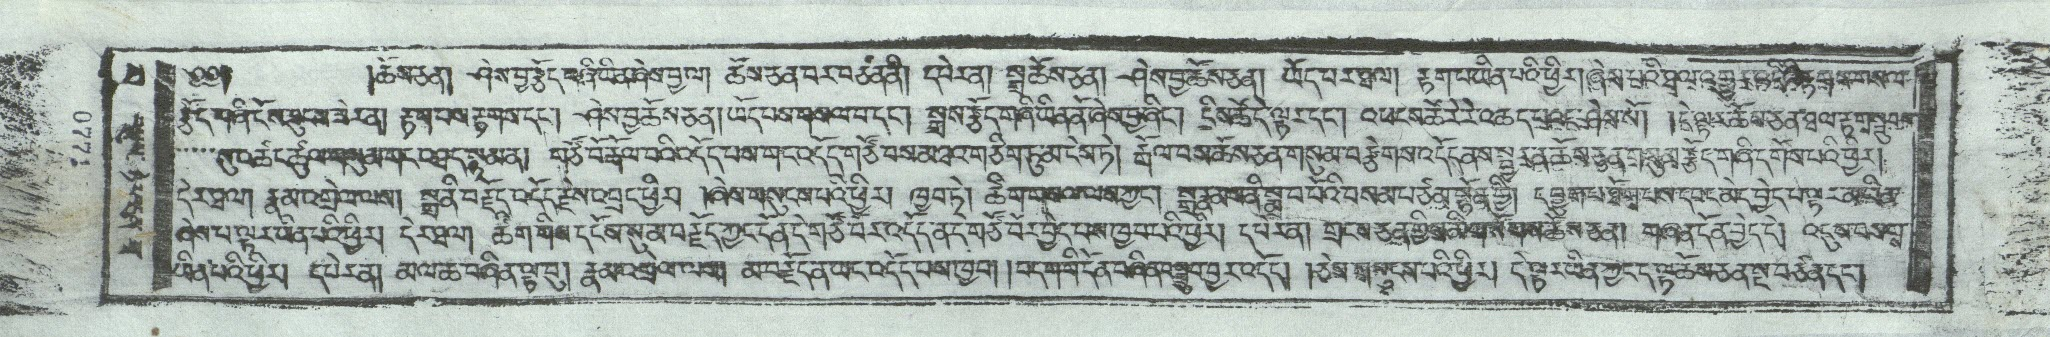༄༅། །ཆོས་ཅན། ཤེས་བྱ་རྩོད་གཞི་ཡིན་ཞེས་བྱ་ལ། ཆོས་ཅན་བར་བཙན་ནི། དཔེར་ན། སྒྲ་ཆོས་ཅན། ཤེས་བྱ་ཆོས་ཅན། ཡོད་པར་ཐལ། རྟག་པ་ཡིན་པའི་ཕྱིར། ཞེས་པའི་ཐལ་འགྱུར་འདིའི་རྟགས་གསལ་
རྩོད་གཞི་ངོས་ཟུངས་ཟེར་ན། རྟག་པས་རྟགས་དང་། ཤེས་བྱ་ཆོས་ཅན། ཡོད་པས་གསལ་བ་དང་། སྒྲས་རྩོད་གཞི་ཡིན་ནོ་ཞེས་བྱ་ཞིང་། དྲིས་ཚེ་དེ་ལྟར་དང་། འཕངས་ཚོ་རེ་རེ་འཆད་པའང་ཤེས་སོ། །དེ་ལྟར་ཆོས་ཅན་ཐལ་རྟགས་སྤུབས་
སུ་འཚང་ཚུལ་གསུམ་གང་འཐད་སྙམ་ན། གཙོ་བོ་རྒོལ་བའི་འདོད་པས་གང་འདོད་གཙོ་བས་མཐའ་གཅིག་ཏུ་མ་ངེས་ཏེ། རྒོལ་བས་ཆོས་ཅན་གསུམ་བརྩེགས་འདོད་ནས་སྦྱར་ན་ཆོས་ཅན་གསུམ་རྩོད་གཞི་དགོས་པའི་ཕྱིར།
དེར་ཐལ། རྣམ་འགྲེལ་ལས། སྒྲ་ནི་བརྗོད་འདོད་རྗེས་འབྲང་ཕྱིར། །ཞེས་གསུངས་པའི་ཕྱིར། ཁྱབ་ཏེ། ཚིག་གསལ་ལས་ཀྱང་། སྒྲ་རྣམས་ནི་སྨྲ་པ་པོའི་བསམ་པ་ཙམ་སྟོན་གྱི། དབྱུག་པ་ཐོགས་པས་དབང་མེད་བྱེད་པ་ལྟར་མ་ཡིན་
ཞེས་པ་ལྟར་ཡིན་པའི་ཕྱིར། དེར་ཐལ། ཚིག་གིས་དངོས་སུ་མ་བརྗོད་ཀྱང་དོན་དེ་གཙོ་བོར་འདོད་ན་དེ་གཙོ་བོར་བྱེད་པས་ཁྱབ་པའི་ཕྱིར། དཔེར་ན། གྲངས་ཅན་གྱིས་མིག་སོགས་ཆོས་ཅན། གཞན་དོན་བྱེད་དེ། འདུས་བསགས་
ཡིན་པའི་ཕྱིར། དཔེར་ན། མལ་ཆ་བཞིན་ལྟ་བུ། རྣམ་འགྲེལ་ལས། མ་བརྗོད་ན་ཡང་འདོད་པས་ཁྱབ། །བདག་གི་དོན་བཞིན་བསྒྲུབ་བྱར་འདོད། །ཅེས་གསུངས་པའི་ཕྱིར། དེ་ལྟར་ཡིན་ཀྱང་ད་ལྟ་ཆོས་ཅན་སྔ་བཙན་དང་།